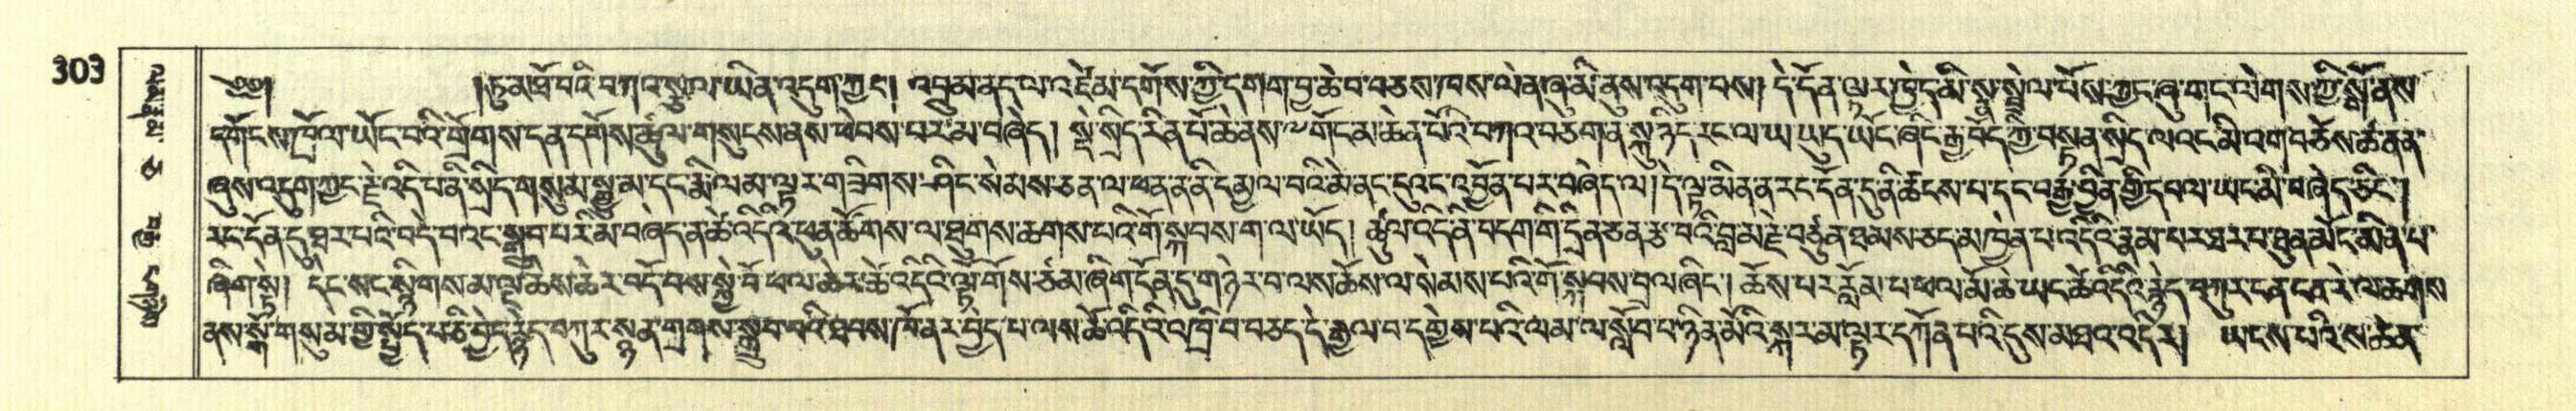༄༅། །ཏུ་མཐོ་བའི་བཀའ་སྩལ་ཡིན་འདུག་ཀྱང་། འབྲུམ་ནད་ལ་འཛེམ་དགོས་ཀྱི་དགག་བྱ་ཆེ་བ་བཅས་ཁས་ལེན་ཞུ་མི་ནུས་འདུག་པས། དེ་དོན་ལྟར་ཁྱེད་མི་སྣ་སྦྲེལ་པོས་ཀྱང་ཞུ་གང་ལེགས་ཀྱི་སྒོ་ནས་
དགོངས་ཁྲོལ་ཡོང་བའི་གྲོགས་དན་དགོས་ཚུལ་གསུངས་ནས་ཕེབས་པར་མ་བཞེད། སྡེ་སྲིད་རིན་པོ་ཆེ་ནས་༧་གོང་མ་ཆེན་པོའི་བཀའ་བཅག་ན་སྐུ་ཉིད་རང་ལ་ཡ་ཡུད་ཡོང་ཞིང་རྒྱ་བོད་ཀྱི་བསྟན་སྲིད་ལའང་མི་འག་བཅོས་ཚ་ནན་
ཞུས་འདུག་ཀྱང་རྗེ་འདི་པ་ནི་སྲིད་གསུམ་སྒྱུ་མ་དང་རྨི་ལམ་ལྟར་གཟིགས་ཤིང་སེམས་ཅན་ལ་ཕན་ན་ནི་དམྱལ་བའི་མེ་ནང་དུའང་འབྱོན་པར་བཞེད་ལ། དེ་ལྟ་མིན་ན་རང་དོན་དུ་ནི་ཚངས་པ་དང་བརྒྱ་བྱིན་གྱི་དཔལ་ཡང་མི་བཞེད་ཅིང་།
རང་དོན་དུ་ཐར་པའི་བདེ་བའང་སྒྲུབ་པར་མི་བཞེད་ན་ཚེ་འདིའི་ཕུན་ཚོགས་ལ་ཐུགས་ཆགས་པའི་གོ་སྐབས་ག་ལ་ཡོད། ཚུལ་འདི་ནི་བདག་གི་དྲིན་ཅན་རྩ་བའི་བླ་མ་རྗེ་བཙུན་ཐམས་ཅད་མཁྱེན་པ་འདིའི་རྣམ་པར་ཐར་པ་ཐུན་མོང་མིན་པ་
ཞིག་སྟེ། དེང་སང་སྙིགས་མ་ལྔ་ཆེས་ཆེར་བདོ་བས་སྐྱེ་བོ་ཕལ་ཆེར་ཚེ་འདིའི་ལྟོ་གོས་ཙམ་ཞིག་དོན་དུ་གཉེར་བ་ལས་ཆོས་ལ་སེམས་པའི་གོ་སྐབས་བྲལ་ཞིང་། ཆོས་པར་རློམ་པ་ཕལ་མོ་ཆེ་ཡང་ཚེ་འདིའི་རྙེད་བཀུར་ངན་ངན་རེ་ལ་ཆགས་
ནས་སྒོ་གསུམ་གྱི་སྤྱོད་པ་ཅི་བྱེད་རྙེད་བཀུར་སྙན་གྲགས་སྒྲུབ་པའི་ཐབས་ཁོ་ནར་བྱེད་པ་ལས་ཆོ་འདིའི་འཁྲི་བ་བཅད་དེ་རྒྱལ་བ་དགྱེས་པའི་ལམ་ལ་སློབ་པ་ཉིན་མོའི་སྐར་མ་ལྟར་དཀོན་པའི་དུས་མཐའ་འདིར། ཡངས་པའི་ས་ཆེན་